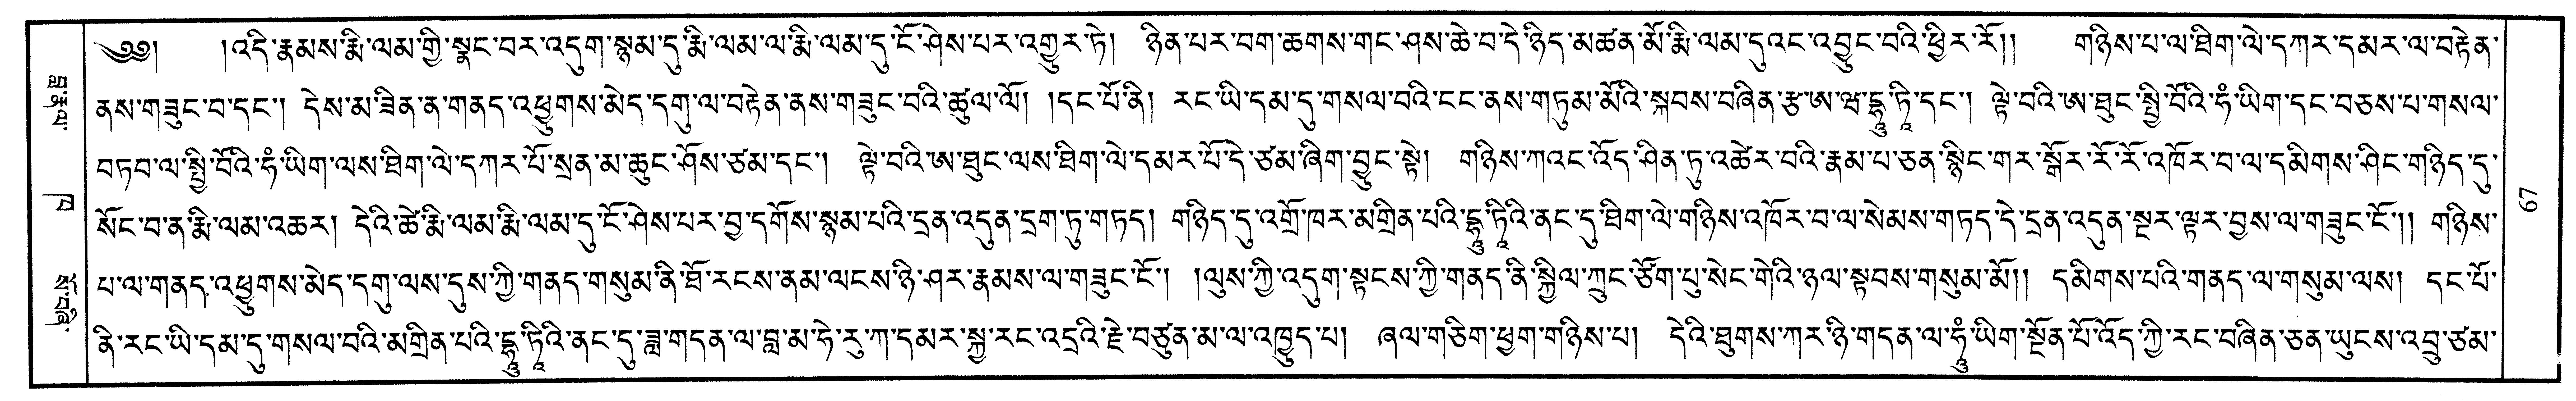༄༅། །འདི་རྣམས་རྨི་ལམ་གྱི་སྣང་བར་འདུག་སྙམ་དུ་རྨི་ལམ་ལ་རྨི་ལམ་དུ་ངོ་ཤེས་པར་འགྱུར་ཏེ། ཉིན་པར་བག་ཆགས་གང་ཤས་ཆེ་བ་དེ་ཉིད་མཚན་མོ་རྨི་ལམ་དུའང་འབྱུང་བའི་ཕྱིར་རོ།། གཉིས་པ་ལ་ཐིག་ལེ་དཀར་དམར་ལ་བརྟེན་
ནས་གཟུང་བ་དང་། དེས་མ་ཟིན་ན་གནད་འཕྱུགས་མེད་དགུ་ལ་བརྟེན་ནས་གཟུང་བའི་ཚུལ་ལོ། །དང་པོ་ནི། རང་ཡི་དམ་དུ་གསལ་བའི་ངང་ནས་གཏུམ་མོའི་སྐབས་བཞིན་རྩ་ཨ་ཝ་དྷཱུ་ཏཱི་དང་། ལྟེ་བའི་ཨ་ཐུང་སྤྱི་བོའི་ཧཾ་ཡིག་དང་བཅས་པ་གསལ་
བཏབ་ལ་སྤྱི་བོའི་ཧཾ་ཡིག་ལས་ཐིག་ལེ་དཀར་པོ་སྲན་མ་ཆུང་ཤོས་ཙམ་དང་། ལྟེ་བའི་ཨ་ཐུང་ལས་ཐིག་ལེ་དམར་པོ་དེ་ཙམ་ཞིག་བྱུང་སྟེ། གཉིས་ཀའང་འོད་ཤིན་ཏུ་འཚེར་བའི་རྣམ་པ་ཅན་སྙིང་གར་སྒོར་རོ་རོ་འཁོར་བ་ལ་དམིགས་ཤིང་གཉིད་དུ་
སོང་བ་ན་རྨི་ལམ་འཆར། དེའི་ཚེ་རྨི་ལམ་རྨི་ལམ་དུ་ངོ་ཤེས་པར་བྱ་དགོས་སྙམ་པའི་དྲན་འདུན་དྲག་ཏུ་གཏད། གཉིད་དུ་འགྲོ་ཁར་མགྲིན་པའི་དྷཱུ་ཏཱིའི་ནང་དུ་ཐིག་ལེ་གཉིས་འཁོར་བ་ལ་སེམས་གཏད་དེ་དྲན་འདུན་སྔར་ལྟར་བྱས་ལ་གཟུང་ངོ།། གཉིས་
པ་ལ་གནད་འཕྱུགས་མེད་དགུ་ལས་དུས་ཀྱི་གནད་གསུམ་ནི་ཐོ་རངས་ནམ་ལངས་ཉི་ཤར་རྣམས་ལ་གཟུང་ངོ། །ལུས་ཀྱི་འདུག་སྟངས་ཀྱི་གནད་ནི་སྐྱིལ་ཀྲུང་ཙོག་པུ་སེང་གེའི་ཉལ་སྟབས་གསུམ་མོ།། དམིགས་པའི་གནད་ལ་གསུམ་ལས། དང་པོ་
ནི་རང་ཡི་དམ་དུ་གསལ་བའི་མགྲིན་པའི་དྷཱུ་ཏཱིའི་ནང་དུ་ཟླ་གདན་ལ་བླ་མ་ཧེ་རུ་ཀ་དམར་སྐྱ་རང་འདྲའི་རྗེ་བཙུན་མ་ལ་འཁྱུད་པ། ཞལ་གཅིག་ཕྱག་གཉིས་པ། དེའི་ཐུགས་ཀར་ཉི་གདན་ལ་ཧཱུཾ་ཡིག་སྔོན་པོ་འོད་ཀྱི་རང་བཞིན་ཅན་ཡུངས་འབྲུ་ཙམ་